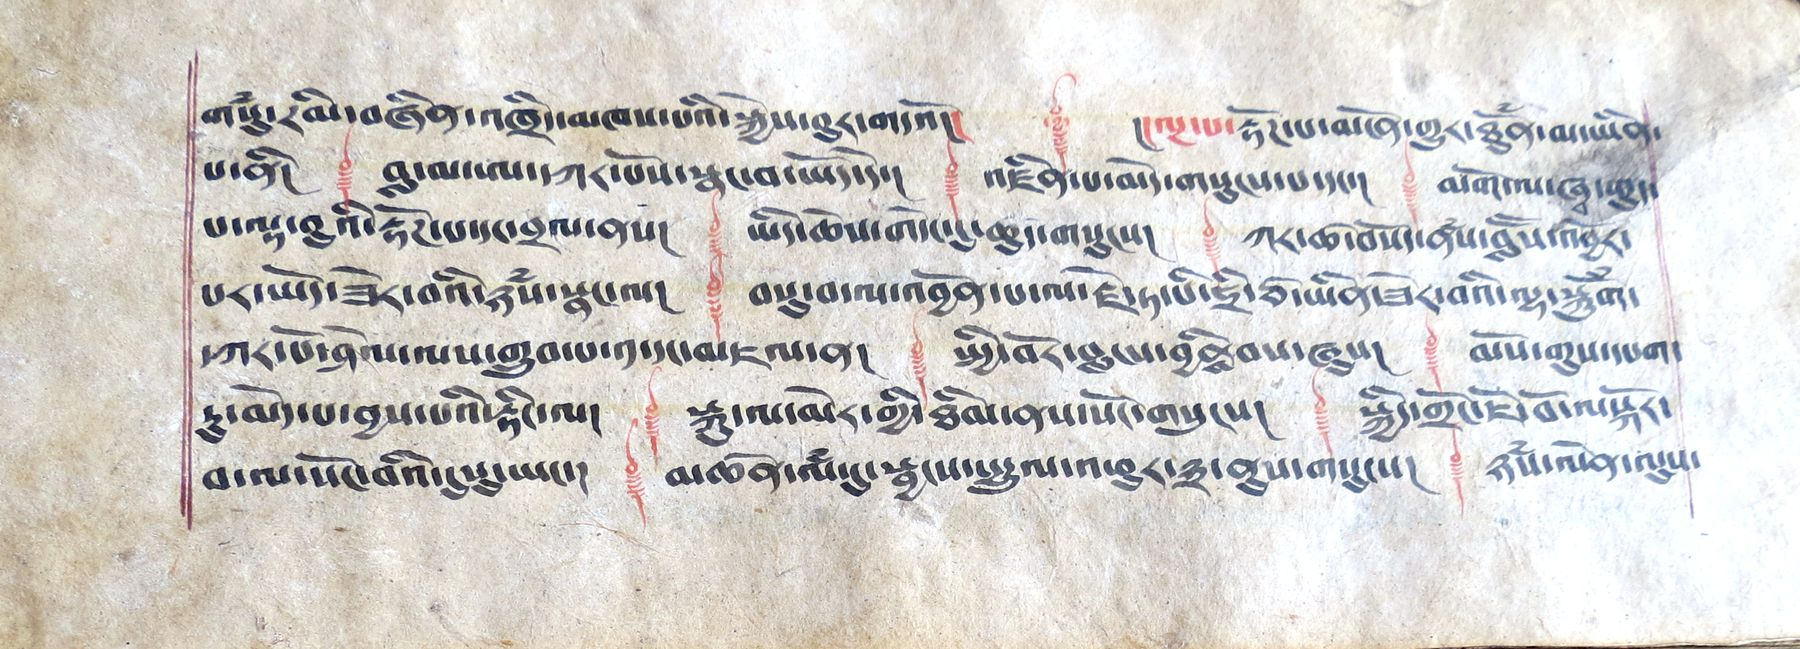གསུམ་རིམ་པ་བཞིན་འཁྲིད་མཁས་པའི་སྐྱེས་བུ་གདའ་འོ། ། ལྔ་པ་རྟོགས་པ་མངོན་གྱུར་ཐུན་མོང་མ་ཡིན་
པ་ནི། བླ་མ་ཨ་དཀར་པོས་སྣང་བ་ཡོད་དེ་འཛིན་པ་མེད་གསུངས་པ་དང་། མགོ་ལ་ཞྭ་ཕུད་
པ་ལྟ་བུའི་རྟོག་པ་དང་བྲལ་ནས། ཡིད་ཆེས་གདེང་དུ་ཆུད་གསུངས། ཀར་ཚ་བསོད་ནམས་བློ་གྲོས་འབྱོན་
པར་ཡོད་ཟེར་བའི་ཉམས་སྣང་ལ། བསུ་བ་ལ་བྱོན་པ་ལ། རྗེ་ཏ་པི་ཧྲི་ཙ་ཡིན་ཟེར་བའི་ལྷ་སྐུ་མདོག་
དཀར་པོ་ཤེལ་ལས་གྲུབ་པ་གཅིག་དང་མཇལ་ནས། སྤྱི་བོར་བླངས་བྱིན་རླབས་ཞུས། མོས་གུས་དཔག་
ཏུ་མེད་པ་བྱས་པའི་རྟིང་ལ། སྐུ་ལ་མེར་གྱིས་ཐིམས་སོང་གསུངས། སྐྱིད་རོང་ཇོ་བོ་བསྐོར་
བ་ལ་སོང་བའི་དུས་སུ་ཡང་། མཚན་ལམ་སྦྱང་སྤྲུལ་འཕུར་གསུམ་ནུས་གསུངས། ཉམས་ལེན་ལུས་